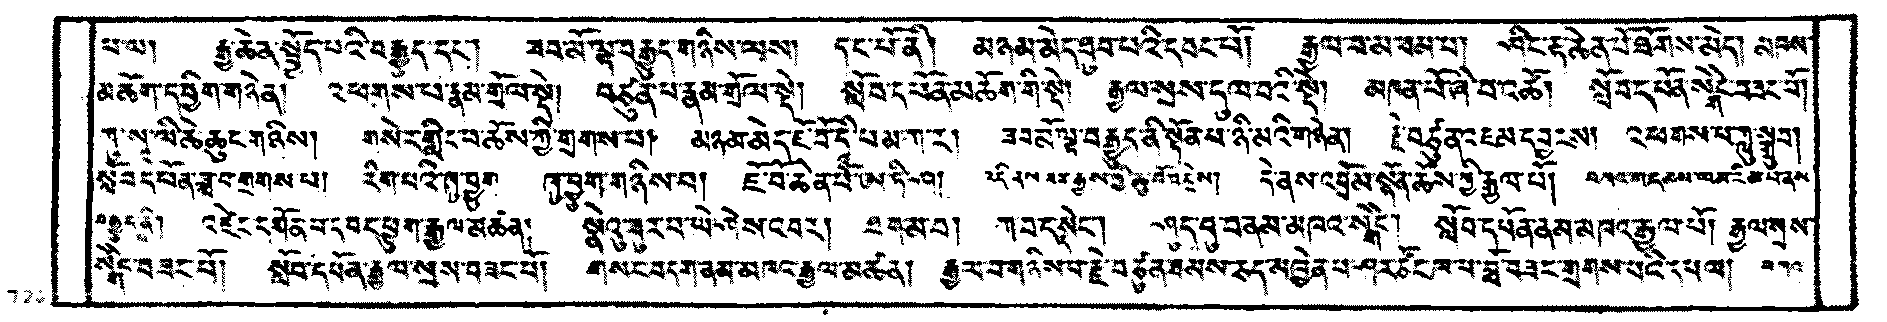པ་ལ། རྒྱ་ཆེན་སྤྱོད་པའི་བརྒྱུད་དང་། ཟབ་མོ་ལྟ་བརྒྱུད་གཉིས་ལས། དང་པོ་ནི། མཉམ་མེད་ཐུབ་པའི་དབང་པོ། རྒྱལ་བ་མ་ཕམ་པ། ཤིང་རྟ་ཆེན་པོ་ཐོགས་མེད། མཁས་
མཆོག་དབྱིག་གཉེན། འཕགས་པ་རྣམ་གྲོལ་སྡེ། བཙུན་པ་རྣམ་གྲོལ་སྡེ། སློབ་དཔོན་མཆོག་གི་སྡེ། རྒྱལ་སྲས་དུལ་བའི་སྡེ། མཁན་པོ་ཞི་བ་འཚོ། སློབ་དཔོན་སེངྒེ་བཟང་པོ།
ཀུ་སཱ་ལི་ཆེ་ཆུང་གཉིས། གསེར་གླིང་པ་ཆོས་ཀྱི་གྲགས་པ། མཉམ་མེད་ཇོ་བོ་དཱི་པམ་ཀ་ར། ཟབ་མོ་ལྟ་བརྒྱུད་ནི་སྟོན་པ་ཉི་མའི་གཉེན། རྗེ་བཙུན་འཇམ་དབྱངས། འཕགས་པ་ཀླུ་སྒྲུབ།
སློབ་དཔོན་ཟླ་བ་གྲགས་པ། རིག་པའི་ཁུ་བྱུག །ཁུ་བྱུག་གཉིས་པ། ཇོ་བོ་ཆེན་པོ་ཨ་ཏི་ཤ། འདི་ནས་ཟབ་རྒྱས་ཀྱི་ཆུ་བོ་འདྲེས།  དེ་ནས་འབྲོམ་སྟོན་ཆོས་ཀྱི་རྒྱལ་པོ། བཀའ་གདམས་ལམ་རིམ་པ་ནས་
བརྒྱུད་པ་ནི། འཛེང་དགོན་པ་དབང་ཕྱུག་རྒྱལ་མཚན། སྣེའུ་ཟུར་པ་ཡེ་ཤེས་འབར། ཐག་མ་བ། ཀ་བ་དར་སེང་། ཤུད་བུ་བ་ནམ་མཁའ་སེངྒེ། སློབ་དཔོན་ནམ་མཁའ་རྒྱལ་པོ། རྒྱལ་སྲས་
སེངྒེ་བཟང་པོ། སློབ་དཔོན་རྒྱལ་སྲས་བཟང་པོ། གསང་བདག་ནམ་མཁའ་རྒྱལ་མཚན། རྒྱལ་བ་གཉིས་པ་རྗེ་བཙུན་ཐམས་ཅད་མཁྱེན་པ་ཤར་ཙོང་ཁ་པ་བློ་བཟང་གྲགས་པའི་དཔལ། བཀའ